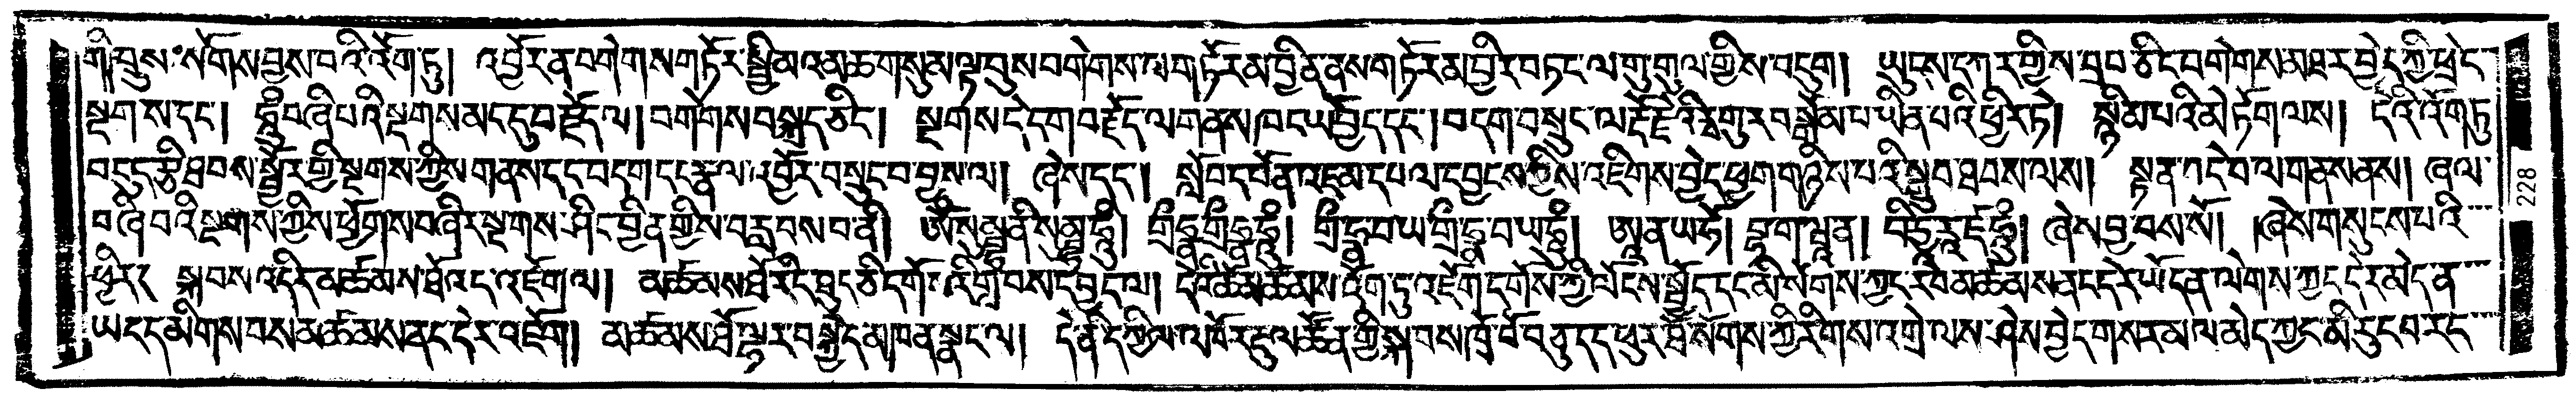གི་ཁྲུས་སོགས་བྱས་པའི་འོག་ཏུ། འབྱོར་ན་བགེགས་གཏོར་སྤྱི་མའམ་ཆ་གསུམ་ལྟ་བུས་བགེགས་ལ་གཏོར་མ་བྱིན་ནས་གཏོར་མ་ཕྱིར་བཏང་ལ་གུ་གུལ་གྱིས་བདུག། ཡུངས་དཀར་གྱིས་བྲབ་ཅིང་བགེགས་མཐར་བྱེད་ཀྱི་ཕྲེང་
སྔགས་དང་། ཧཱུཾ་བཞི་པའི་སྔགས་མང་དུ་བརྗོད་ལ། བགེགས་བསྐྲད་ཅིང་། སྔགས་དེ་དག་བརྗོད་ལ་གནས་ཁང་ཡོ་བྱད་དང་། བདག་བསྲུང་ལ་རྡོ་རྗེའི་རྭ་གུར་བསྒོམ་པ་ཡིན་པའི་ཕྱིར་ཏེ། སྙིམ་པའི་མེ་ཏོག་ལས། དེའི་འོག་ཏུ་
བདུད་རྩི་ཐབས་སྦྱོར་གྱི་སྔགས་ཀྱིས་གནས་དང་བདག་དང་རྣལ་འབྱོར་བསྲུང་བ་བྱས་ལ། ཞེས་དང་། སློབ་དཔོན་འཇམ་དཔལ་དབྱངས་ཀྱིས་འཇིགས་བྱེད་ཕྱག་གཉིས་པའི་སྒྲུབ་ཐབས་ལས། སྟན་བདེ་བ་ལ་གནས་ནས། ཞལ་
བཞི་བའི་སྔགས་ཀྱིས་ཕྱོགས་བཞིར་སྔགས་ཤིང་བྱིན་གྱིས་བརླབས་བ་ནི། ཨོཾ་སུམྦྷ་ནི་སུམྦྷ་ཧཱུཾ། གྲྀཧྣ་གྲྀཧྣ་ཧཱུཾ། གྲྀཧྣ་བ་ཡ་གྲྀཧྣ་བ་ཡ་ཧཱུཾ། ཨཱ་ན་ཡ་ཧོ། བྷ་ག་ཝཱ་ན། བིདྱཱ་རཱ་ཛ་ཧཱུཾ། ཞེས་བྱ་བས་སོ། །ཞེས་གསུངས་པའི་
ཕྱིར༑ སྐབས་འདིར་མཚམས་ཐོའང་འཇོག་ལ། མཚམས་ཐོ་རིང་ཐུང་ཅི་དགོས་རིགས་བསད་བྱད་ལ། དེའི་ཚེ་མཚམས་འོག་ཏུ་འཇོག་དགོས་ཀྱི་ལོངས་སྤྱོད་དང་མི་སོགས་ཀྱང་རབ་མཚམས་ནང་དེར་ཡོད་ན་ལེགས་ཀྱང་དེར་མེད་ན་
ཡང་དམིགས་བས་མཚམས་ནང་དེར་འཇོག། མཚམས་ཐོ་ལྷར་བསྐྱེད་མཁན་སྣང་ལ། དེ་ནི་དཀྱིལ་འཁོར་རྡུལ་ཚོན་གྱི་སྐབས་ཁྲོ་བོ་བཅུ་དང་ཕུར་ཐོ་སོགས་ཀྱི་རིགས་འགྲེ་ལས་ཤེས་བྱེད་གསར་མལ་མེད་ཀྱང་མི་རུང་བ་རང་